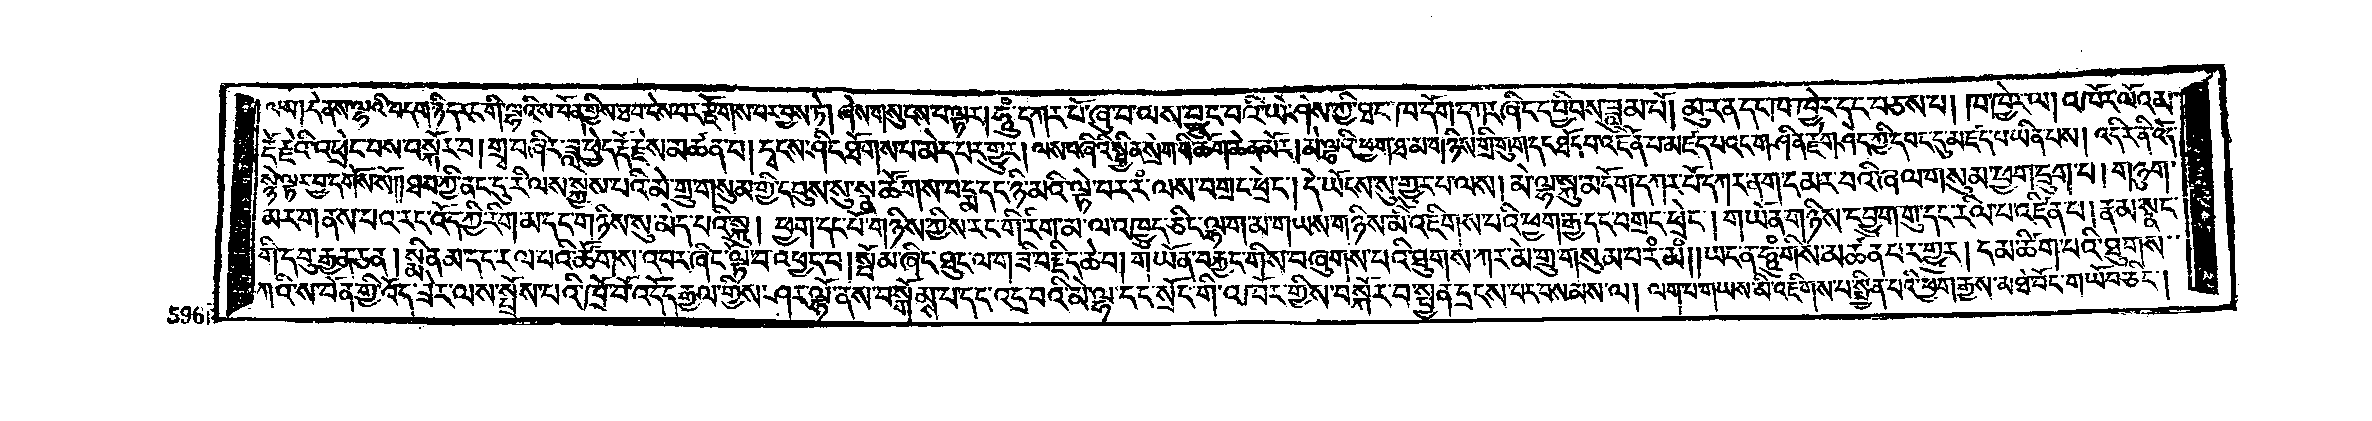ལམ་དེ་ནས་ལྷའི་བདག་ཉིད་རང་གི་ལྷའི་ས་བོན་གྱིས་ཐབ་ངེས་བར་རྫོགས་པར་བྱས་ཏེ། ཞེས་གསུངས་པ་ལྟར། ཧཱུཾ་དཀར་པོ་ཞུ་པ་ལས་བྱུང་བའི་ཡེ་ཤེས་ཀྱི་ཐང་ཁ་དོགས་དཀར་ཞིང་དབྱིབས་ཟླུམ་པོ། མུ་རན་དང་ཁ་ཁྱེར་དང་བཅས་པ། ཁ་ཁྱེར་ལ། འཁོར་ལོའམ་
རྡོ་རྗེའཱི་འཕྲེང་བས་བསྐོར་བ། གྲའ་བཞིར་ཟླ་ཕྱེད་རྡོ་ར༥ཇེ་མཚན་པ། དངས་ཤིང་ཐོགས་པ་མེད་པར་གྱུར། ལས་བཞིའི་སྦྱིན་སྲེག་གི་ཚིག་ཆེན་མོར། མེ་ལྷའི་ཐ་མ་གཉིས་གྲི་གུགས་དང་ཧྟོག་པ་འཛིན་པ་མདད་པའང་གཤིན་རྗེ་གཤེད་ཀྱི་དབང་དུ་མཛད་པ་ཡིན་པས། འདིར་ནི་འོད་
སྙེ་ལྟར་བྱ་དགོས་སོ། ཐབ་ཀྱི་ནང་དུ་རི་ལས་སྐྱས་པའི་།མེ་གྲུབ་གསུམ་གྱི་དབུས་སུ་སྣ་ཚོགས་པད་མ་དང་ཉི་མའི་ལྟེ་བར་རམ་ལས་བགྲང་ཕྲེང་། དེ་ཡོངས་སུ་གྱུར་པ་ལས། མེ་ལྷ་སྐུ་མདོ་དཀར་པོ་དཀར་དམར་བའི་ཞལ་གསུམ་ཕྱག་དྲུག་པ། གཉུག་
མར་གནས་པའི་རང་འོད་ཀྱི་རིག་མ་དང་གཉིས་དུ་མེད་པའི་སྐུ། ཕྱག་དང་པོ་གཉིས་ཀྱི་རང་གི་རིམ་མ་ལ་འཁྱུད་ཅིང་ལྷག་མ་གཡས་གཉིས་འཇིགས་པའི་ཕྱག་དང་བགྲད་ཕྲེང་། གཡོན་གཉིས་དབྱག་གུ་དང་རིལ་པ་འཛིན་པ། རྣམ་སྣང་
གི་དབུ་རྒྱན་ཅན། སྨིན་མ་དང་རལ་པའི་ཚོགས་འབར་ཞིང་ལྟ་བ་འཕྱད་བ། སྤོམ་ཞིང་ཐུང་གཟི་བརྗིད་ཆེ་བ། གཡོན་བརྐྱང་གིས་བཞུགས་པའི་ཐུགས་ཀར་མེ་གྲུབ་གསུམ་པ་རཾ་མཾ། ཡང་ན་ཧཱུཾ་གིས་མཚན་པར་གྱུར། དམ་ཚིག་པའི་ཐུགས་
ཀའི་ས་བོན་གྱི་འོད་ཟེར་ལས་སྤྲོས་པའི་ཁྲོ་བོ་འདོད་རྒྱལ་ལྷོ་ནས་བསྒོམས་པ་དང་འདྲ་བའི་མེ་ལྷ་དང་སྲོང་གི་འཁོར་གྱིས་བསྐོར་བ་སྤྱན་དྲངས་པར་བསམས་ལ། ལག་གསཡས་མི་འཇིགས་པ་སྤྱིན་པའི་ཕྱག་རྒྱས་མཐེ་བོད་གསཡོབ་ཅིང་